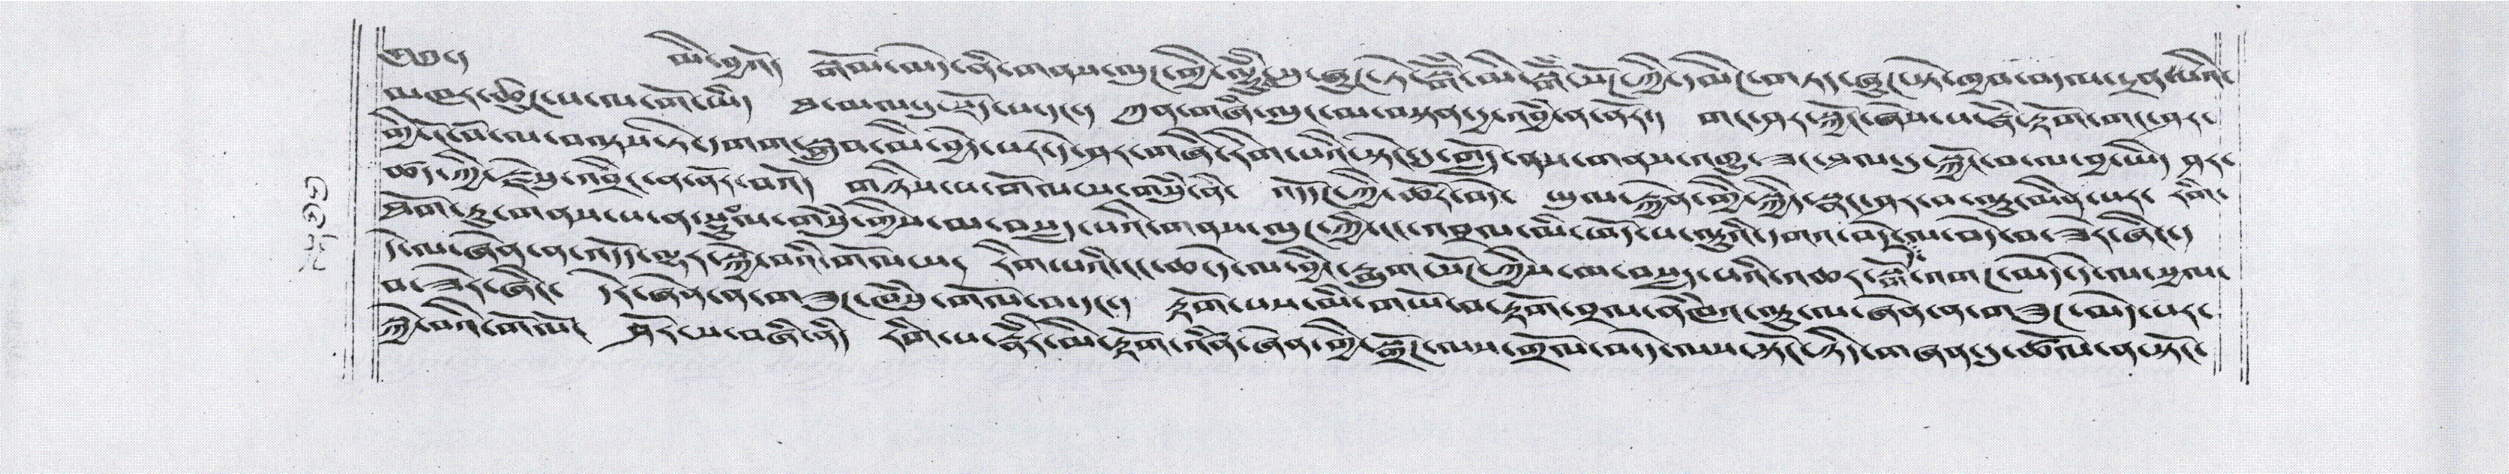མི་བྱའོ། སྒོམ་མེད་ནི་གནས་ལུགས་ཀྱི་ལྷུམས་སུ་ཞུགས་ཏེ་སྒོམ་མི་སྒོམ་སོགས་ཀྱི་དམིགས་གཏད་ཞུགས་ཏེ་ཁྱབ་བདལ་དྲན་པའི་
མཁར་ཚུགས་པ་ལ་གོ་ཡི། ཐ་མལ་དུ་སྡོད་པ་དང་ཀུན་གཞི་ལུང་མ་བསྟན་དུ་འབྱམས་ན་ནོར། གང་ཤར་སྐྱོང་ཞེས་པ་ནི་རྣམ་རྟོག་གང་ཤར་
ངོ་བོ་ལ་བལྟས་ཏེ་དགག་སྒྲུབ་མི་བྱེད་པར་དེ་ཤར་གཞི་རིག་པའི་སྟེང་དུ་གློད་ནས་གནས་འགྱུ་ཟང་ཐལ་དུ་སྐྱོང་བ་ལ་བྱ་ཡི། ཤར་
ཚད་ཀྱི་རྗེས་སུ་འབྲེང་ན་ནོར་བའོ། གཉིས་པ་གོལ་ས་གསུམ་ནི། འདོད་ཆགས་ཀྱི་ཚོར་བདེ། ཡུལ་རྐྱེན་གྱི་སྐྱིད་སྣང་ཤར་བ་ལྟ་བུ་མིན་པར། རིག་
ཐོག་ཏུ་གནས་པ་ན་སྡུག་བསྔལ་གསུམ་གྱིས་མ་བསླད་པའི་གནས་ལུགས་ཀྱི་ངང་འབྲལ་མི་ཕོད་པ་ལྟ་བུའི་དགའ་བདེ་དེ་ལ་བདེ་བ་ཟེར་ཞིང་། 
དེ་ལ་ཞེན་ན་འདོད་ལྷར་སྐྱེ་བའི་གོལ་ས། རིག་པའི་ངང་༼དྭངས༽ཆ་དེ་ལ་བྱིང་རྨུགས་སོགས་ཀྱིས་མ་བསླད་པའི་འཆར་སྒོ་འགག་མེད་དེ་ལ་གསལ་
བ་ཟེར་ཞིང་། དེར་ཞེན་ན་གཟུགས་ཁམས་སུ་གོལ་བ་དང་། རྟོག་པས་མི་གཡོ་བ་རྟོག་བྲལ་ནམ་མཁའ་ལྟ་བུ་ལ་ཞེན་ན་གཟུགས་མེད་པར་
སྐྱེ་བའི་གོལ་ལོ། ཤོར་ས་བཞི་ནི། རིག་པ་རྣམ་པར་མི་རྟོག་འཛིན་ཞེན་གྱི་སྒྲོགས་ལས་གྲོལ་བ་དེ་ལས་སྟོང་ཉིད་གཞན་དུ་ཚོལ་ན་སྟོང་